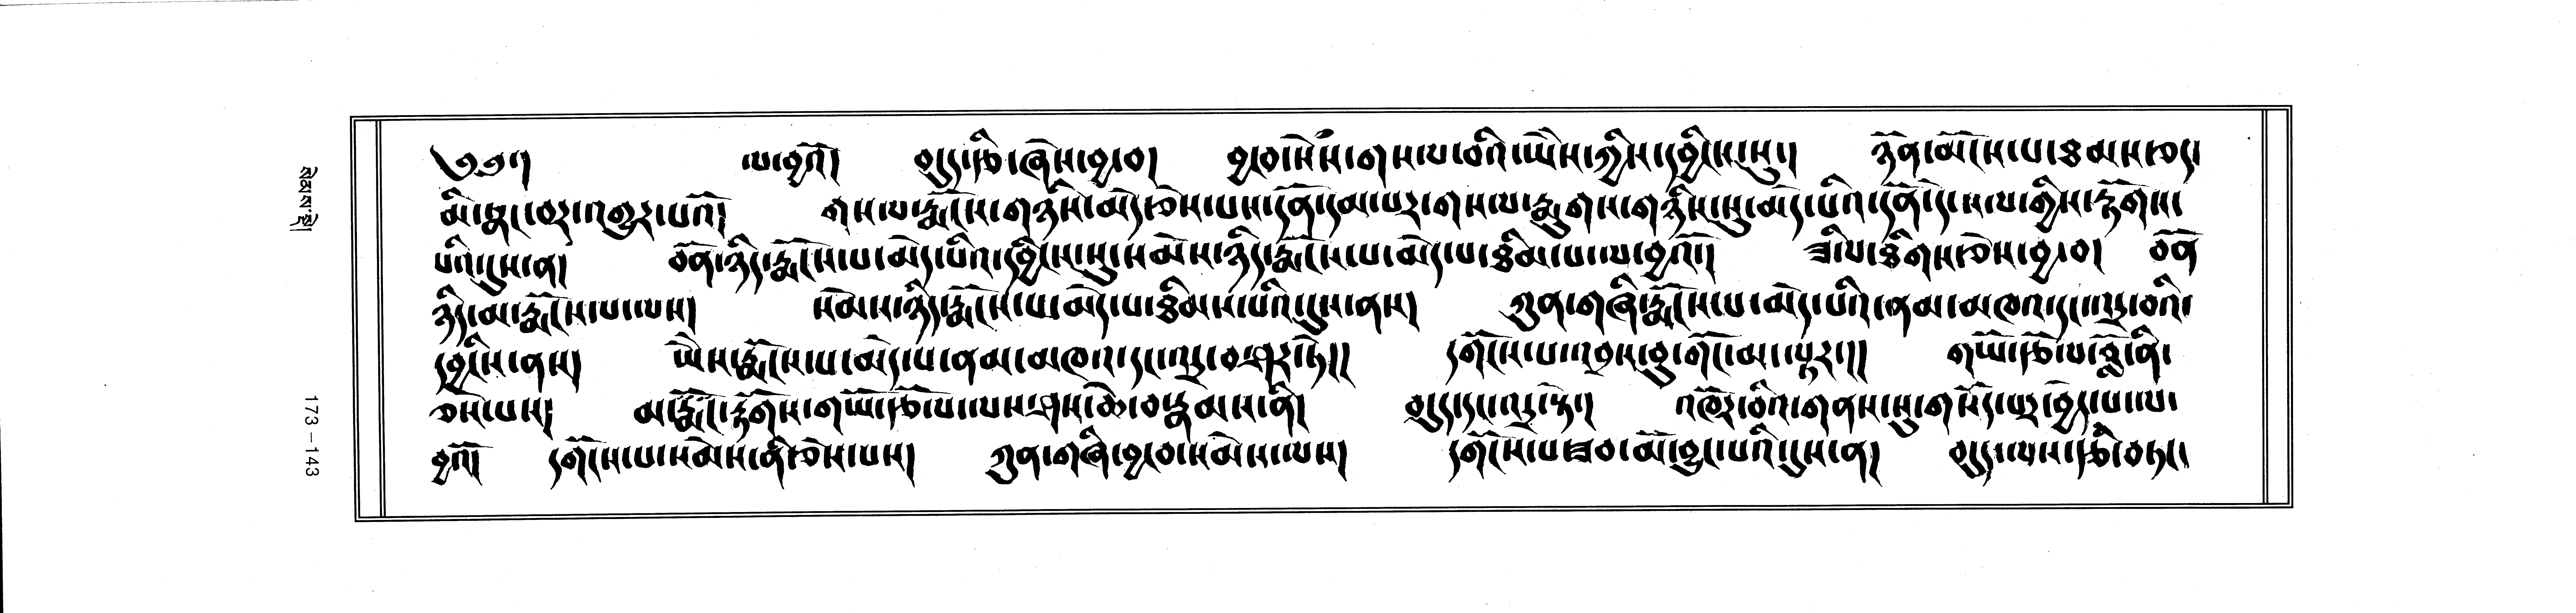ལ་བྱའོ། །བདུད་རྩི་ཞེས་པས། བྱང་ཆུབ་ཀྱི་སེམས་གསལ་བའི་ཡེ་ཤེས་ཀྱི་དབྱིངས་སུ། ཉོན་མོངས་པ་ཐམས་ཅད་
མི་སྣང་བར་གྱུར་པ་ལ་བྱའོ། །གསལ་རྨོངས་གཉིས་མེད་ཅེས་པས། དོན་དམ་པར་གསལ་རྨོངས་གཉིས་སུ་མེད་པའི་དོན་དེ་སལ་གྱིས་རྟོགས་
པའི་དུས་ནས། བོན་ཉིད་རྨོངས་པ་མེད་པའི་དབྱིངས་སུ། སེམས་ཉིད་རྨོངས་པ་མེད་པ་ལས་ཐིམ་པ་ལ་བྱའོ། །ཟིལ་ཐིག་ཅེས་བྱ་བ། བོན་
ཉིད་མ་རྨོངས་པ་ལས་སེམས་ཉིད་རྨོངས་པ་མེད་པ་ཐིམ་པའི་དུས་ན། ཀུན་གཞི་རྨོངས་པ་མེད་པ་ནམ་མཁའ་དང་འདྲ་བའི་
དབྱིངས་ནས། ཡེ་ཤེས་རྨོངས་པ་མེད་པ་ནམ་མཁའ་དང་འདྲ་བ་ཤར་ཏེ། དགོངས་པ་༼རྨོངས་པ་མེད་པ་ནམ་མཁའ་དང་འདྲ་བས། འབྲས་བུ་ལ་རྨོངས་པ་མེད་པ་ནམ་མཁའ་དང་འདྲ་བ་ཐོབ་ཅེས་པས་བྱའོ།༽འབྲས་བུ་གོང་མ་ལྟར། །གཡོ་རྩོལ་བློ་ནི་
ཅེས་པས། མ་རྟོགས་གཡོ་རྩོལ་ལས་ཤས་ཆེ་བ་རྣམས་ནི། བདུད་དང་འདྲ་སྟེ། འཁོར་བའི་གནས་སུ་གསོད་པར་བྱེད་པ་ལ་
བྱའོ། །དགོངས་པ་སེམས་ནི་ཅེས་པས། ཀུན་གཞི་བྱང་ཆུབ་སེམས་ལས་དགོངས་པ་ཟབ་མོ་བྱུང་བའི་དུས་ན། བདུད་ལས་རྩི་བཏང་